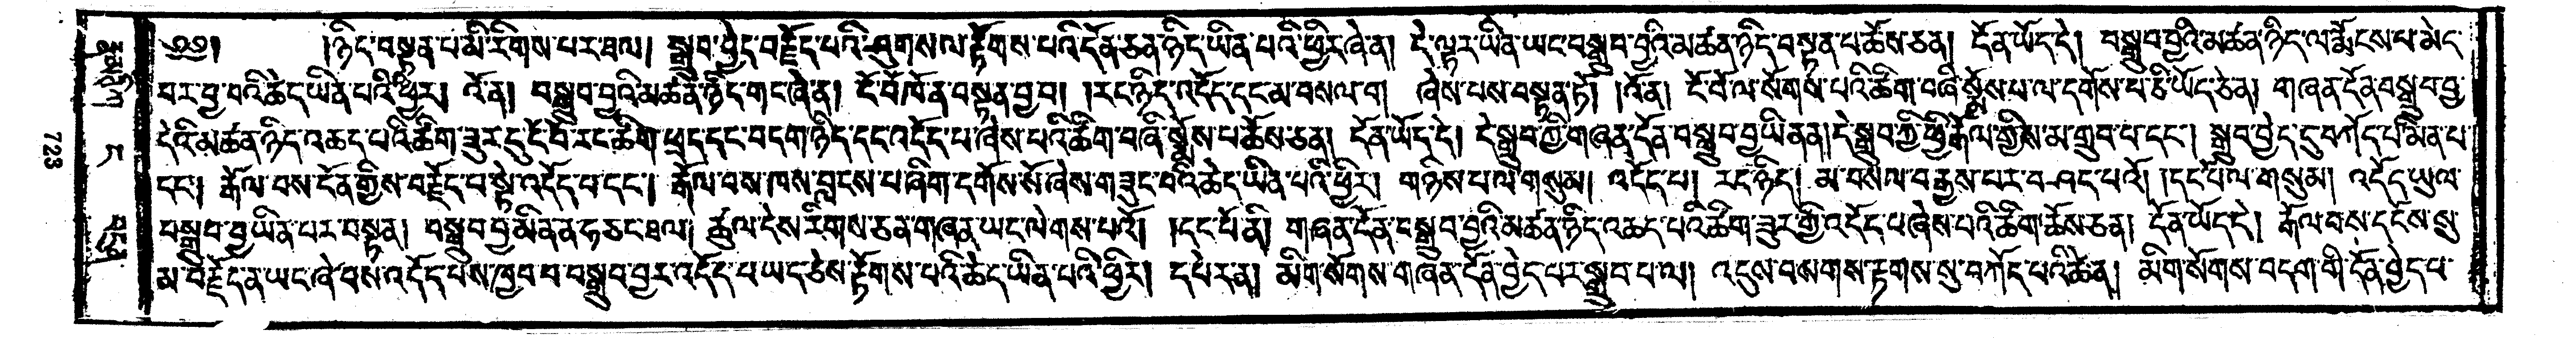༄༅། །ཉིད་བསྟན་པ་མི་རིགས་པར་ཐལ། སྒྲུབ་བྱེད་བརྗོད་པའི་ཤུགས་ལ་རྟོགས་པའི་དོན་ཅན་ཉིད་ཡིན་པའི་ཕྱིར་ཞེ་ན། དེ་ལྟར་ཡིན་ཡང་བསྒྲུབ་བྱའི་མཚན་ཉིད་བསྟན་པ་ཆོས་ཅན། དོན་ཡོད་དེ། བསྒྲུབ་བྱའི་མཚན་ཉིད་ལ་རྨོངས་པ་མེད་
བར་བྱ་བའི་ཆེད་ཡིན་པའི་ཕྱིར། འོ་ན། བསྒྲུབ་བྱའི་མཚན་ཉིད་གང་ཞེ་ན། ངོ་བོ་ཁོ་ན་བསྟན་བྱ་བ། །རང་ཉིད་འདོད་དང་མ་བསལ་བ། ཞེས་པས་བསྟན་ཏོ། །འོ་ན། ངོ་བོ་ལ་སོགས་པའི་ཚིག་བཞི་སྨོས་པ་ལ་དོགས་པ་ཅི་ཡོད་ཅེ་ན། གཞན་དོན་བསྒྲུབ་བྱ་
དེའི་མཚན་ཉིད་འཆད་པའི་ཚིག་ཟུར་དུ་ངོ་བོ་རང་ཚིག་ཕྲད་དང་བདག་ཉིད་དང་འདོད་པ་ཞེས་པའི་ཚིག་བཞི་སྨོས་པ་ཆོས་ཅན། དོན་ཡོད་དེ། དེ་སྒྲུབ་ཀྱི་གཞན་དོན་བསྒྲུབ་བྱ་ཡིན་ན། དེ་སྒྲུབ་ཀྱི་ཕྱི་རྒོལ་གྱིས་མ་གྲུབ་པ་དང་། སྒྲུབ་བྱེད་དུ་བཀོད་པ་མིན་པ་
དང་། རྒོལ་བས་དོན་གྱིས་བརྗོད་པ་སྟེ་འདོད་པ་དང་། རྒོལ་བས་ཁས་བླངས་པ་ཞིག་དགོས་སོ་ཞེས་གཟུང་བའི་ཆེད་ཡིན་པའི་ཕྱིར། གཉིས་པ་ལ་གསུམ། འདོད་པ། རང་ཉིད། མ་བསལ་བ་རྒྱས་པར་བཤད་པའོ། །དང་པོ་ལ་གསུམ། འདོད་ཡུལ་
བསྒྲུབ་བྱ་ཡིན་པར་བསྟན། བསྒྲུབ་བྱ་མིན་ན་ཧ་ཅང་ཐལ། ཚུལ་དེས་རིགས་ཅན་གཞན་ཡང་ལེགས་པའོ། །དང་པོ་ནི། གཞན་དོན་བསྒྲུབ་བྱའི་མཚན་ཉིད་འཆད་པའི་ཚིག་ཟུར་གྱི་འདོད་པ་ཞེས་པའི་ཚིག་ཆོས་ཅན། དོན་ཡོད་དེ། རྒོལ་བས་དངོས་སུ་
མ་བརྗོད་ན་ཡང་ཞེ་བས་འདོད་པས་ཁྱབ་པ་བསྒྲུབ་བྱར་འདོད་པ་ཡང་ཅེས་རྟོགས་པའི་ཆེད་ཡིན་པའི་ཕྱིར། དཔེར་ན། མིག་སོགས་གཞན་དོན་བྱེད་པར་སྒྲུབ་པ་ལ། འདུས་བསགས་རྟགས་སུ་བཀོད་པའི་ཚེ་ན། མིག་སོགས་བདག་གི་དོན་བྱེད་པ་